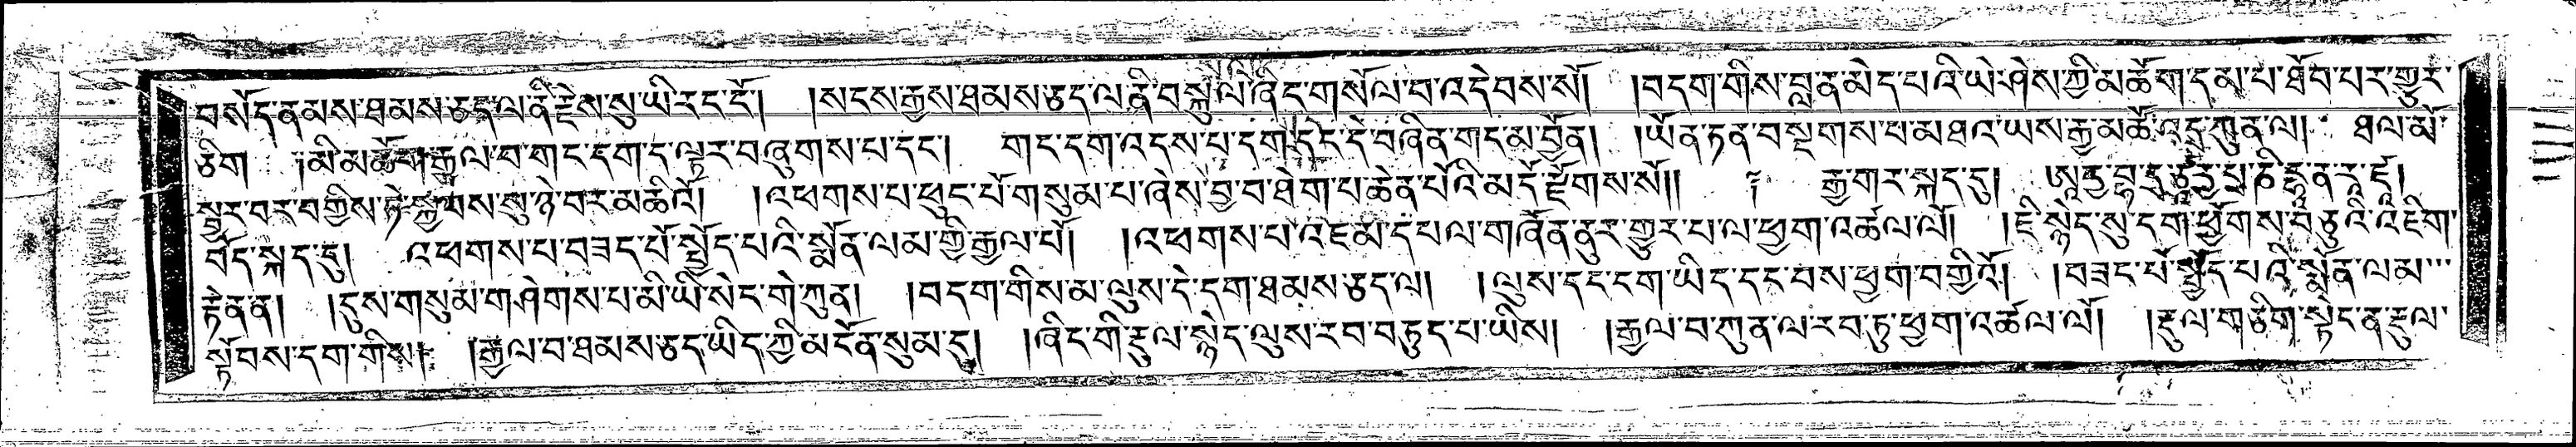བསོད་ནམས་ཐམས་ཅད་ལ་ནི་རྗེས་སུ་ཡི་རང་ངོ། །སངས་རྒྱས་ཐམས་ཅད་ལ་ནི་བསྐུལ་ཞིང་གསོལ་བ་འདེབས་སོ། །བདག་གིས་བླ་ན་མེད་པའི་ཡེ་ཤེས་ཀྱི་མཆོག་དམ་པ་ཐོབ་པར་གྱུར་
ཅིག ༑མི་མཆོག་རྒྱལ་བ་གང་དག་ད་ལྟར་བཞུགས་པ་དང་། གང་དག་འདས་པ་དག་དང་དེ་བཞིན་གང་མ་བྱོན། །ཡོན་ཏན་བསྔགས་པ་མཐའ་ཡས་རྒྱ་མཚོ་འདྲ་ཀུན་ལ། ཐལ་མོ་
སྦྱར་བར་བགྱིས་ཏེ་སྐྱབས་སུ་ཉེ་བར་མཆིའོ། །འཕགས་པ་ཕུང་པོ་གསུམ་པ་ཞེས་བྱ་བ་ཐེག་པ་ཆེན་པོའི་མདོ་རྫོགས་སོ།། ༈ རྒྱ་གར་སྐད་དུ། ཨཱརྱ་བྷ་དྲ་ཙཱརྱ་པྲ་ཎི་དྷཱ་ན་རཱ་ཛཱ།
བོད་སྐད་དུ། འཕགས་པ་བཟང་པོ་སྤྱོད་པའི་སྨོན་ལམ་གྱི་རྒྱལ་པོ། །འཕགས་པ་འཇམ་དཔལ་གཞོན་ནུར་གྱུར་པ་ལ་ཕྱག་འཚལ་ལོ། །ཇི་སྙེད་སུ་དག་ཕྱོགས་བཅུའི་འཇིག་
རྟེན་ན། །དུས་གསུམ་གཤེགས་པ་མི་ཡི་སེང་གེ་ཀུན། །བདག་གིས་མ་ལུས་དེ་དག་ཐམས་ཅད་ལ། །ལུས་དང་ངག་ཡིད་དང་བས་ཕྱག་བགྱིའོ། །བཟང་པོ་སྤྱོད་པའི་སྨོན་ལམ་
སྟོབས་དག་གིས། །རྒྱལ་བ་ཐམས་ཅད་ཡིད་ཀྱི་མངོན་སུམ་དུ། །ཞིང་གི་རྡུལ་སྙེད་ལུས་རབ་བཏུད་པ་ཡིས། །རྒྱལ་བ་ཀུན་ལ་རབ་ཏུ་ཕྱག་འཚལ་ལོ། །རྡུལ་གཅིག་སྟེང་ན་རྡུལ་